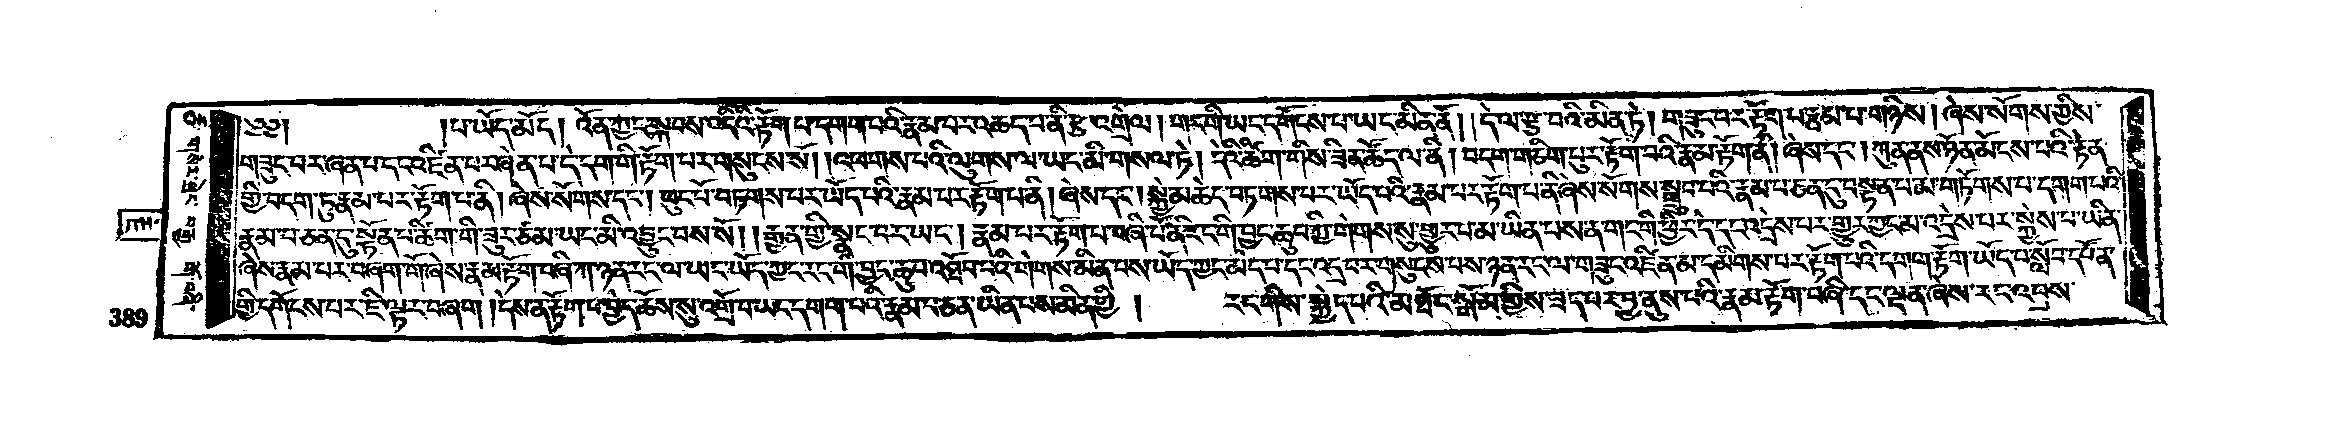༄༅། །པ་ཡོད་མོད། འོན་ཀྱང་སྐབས་འདིའི་རྟོག་པ་དགག་པའི་རྣམ་པར་འཆད་པ་ནི་རྩ་འགྲེལ། གང་གི་ཡང་དགོངས་པ་ཡང་མིན་ནོ། །དེ་ལ་རྩ་བའི་མིན་ཏེ། གཟུང་བར་རྟོག་པ་རྣམ་པ་གཉིས། ཞེས་སོགས་ཀྱིས་
གཟུང་བར་ཞན་པ་དང་འཛིན་པར་ཞེན་པ་དེ་དག་གི་རྟོག་པར་གསུངས་སོ། །འཕགས་པའི་ལུགས་ལ་ཡང་མི་གསལ་ཏེ། དེའི་ཚིག་གིས་ཟིན་ཚོད་ལ་ནི། བདག་གཅིག་པུར་རྟོག་པའི་རྣམ་རྟོག་ནི། ཞེས་དང་། ཀུན་ནས་ཉོན་མོངས་པའི་རྟེན་
གྱི་བདག་ཏུ་རྣམ་པར་རྟོག་པ་ནི། ཞེས་སོགས་དང་། ཕུང་པོ་བཏགས་པར་ཡོད་པའི་རྣམ་པར་རྟོག་པ་ནི། ཞེས་དང་། སྐྱེ་མཆེད་བཏགས་པར་ཡོད་པའི་རྣམ་པར་རྟོག་པ་ནི་ཞེས་སོགས་སྒྲུབ་པའི་རྣམ་པ་ཅན་དུ་བསྟན་པ་མ་གཏོགས་པ་དགག་པའི་
རྣམ་པ་ཅན་དུ་སྟོན་པ་ཚིག་གི་ཟུར་ཙམ་ཡང་མི་འབྱུང་བས་སོ། །རྒྱན་གྱི་སྣང་བར་ཡང་། རྣམ་པར་རྟོག་པ་བཞི་པོ་ནི་རང་གི་བྱང་ཆུབ་ཀྱི་གེགས་སུ་གྱུར་པ་མ་ཡིན་པས་ན་གང་གི་ཕྱིར་དེ་དང་འདྲེས་པར་གྱུར་ཀྱང་མ་འདྲེས་པར་སྐྱེས་པ་ཡིན་
ཞེས་རྣམ་པར་བཞག་གོ་ཞེས་རྣམ་རྟོག་བཞི་ཀ་ཉན་རང་ལ་ཡང་ཡོད་ཀྱང་རང་གི་བྱང་ཆུབ་འཐོབ་པའི་གེགས་མིན་པས་ཡོད་ཀྱང་མེད་པ་དང་འདྲ་བར་གསུངས་པས་ཉན་རང་ལ་གཟུང་འཛིན་མ་དམིགས་པར་རྟོག་པའི་དགག་རྟོག་ཡོད་པ་སློབ་དཔོན་
གྱི་དགོངས་པར་ཇི་ལྟར་བཞག །དེས་ན་རྟོག་པ་བྱེད་ཆོས་སུ་འགྲོ་བ་ཡང་དགག་པའི་རྣམ་པ་ཅན་ཡིན་པས་མིན་གྱི། རང་གིས་སྐྱེད་པའི་མཐོང་སྒོམ་གྱིས་ཟད་པར་བྱ་ནུས་པའི་རྣམ་རྟོག་བཞི་དང་ལྡན་ཞེས་རང་འབྲས་